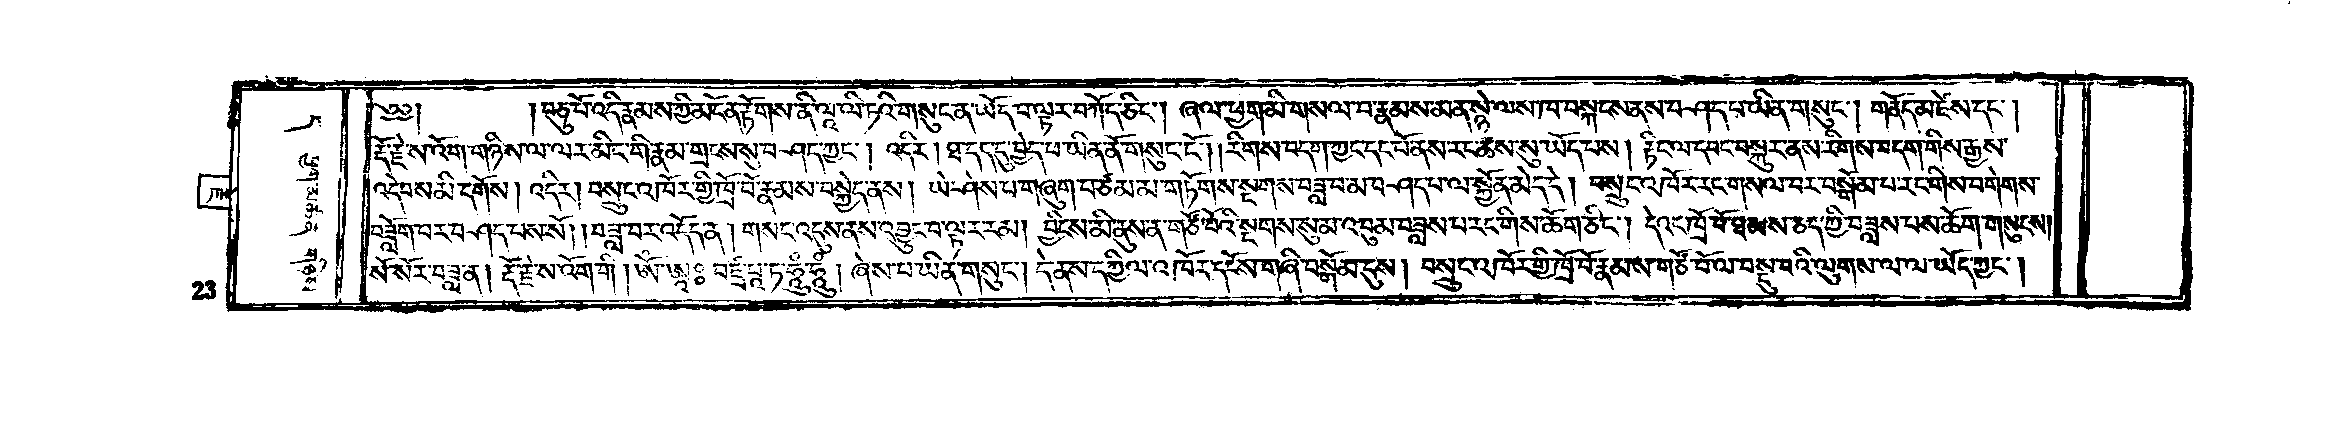༄༅། །བཅུ་པོ་འདི་རྣམས་ཀྱི་མངོན་རྟོགས་ནི་ལཱ་ལི་ཏའི་གསུང་ན་ཡོད་པ་ལྟར་བཀོད་ཅིང་། ཞལ་ཕྱག་མི་གསལ་བ་རྣམས་མན་སྙེ་ལས་ཁ་བསྐངས་ནས་བཤད་པ་ཡིན་གསུང་། གནོད་མཛེས་དང་།
རྡོ་རྗེ་ས་འོག་གཉིས་ལ་ལར་མིང་གི་རྣམ་གྲངས་སུ་བཤད་ཀྱང་། འདིར། ཐ་དད་དུ་བྱེད་པ་ཡིན་ནོ་གསུང་ངོ། །རིགས་བདག་ཀྱང་དང་པོ་ནས་རང་ཆས་སུ་ཡོད་པས། རྟིང་ལ་དབང་བསྐུར་ནས་རིགས་བདག་གིས་རྒྱས་
འདེབས་མི་དགོས། འདིར། བསྲུང་འཁོར་གྱི་ཁྲོ་བོ་རྣམས་བསྐྱེད་ནས། ཡེ་ཤེས་པ་གཞུག་པ་ཙམ་མ་གཏོགས་སྔགས་བཟླ་བ་མ་བཤད་པ་ལ་སྐྱོན་མེད་དེ། བསྲུང་འཁོར་རང་གསལ་བར་བསྒོམ་པ་རང་གིས་བགེགས་
བཟློག་པར་བཤད་པས་སོ། །བཟླ་བར་འདོད་ན། གསང་འདུས་ནས་འབྱུང་བ་ལྟར་རམ། བྱིངས་མི་ནུས་ན་གཙོ་བོའི་སྔགས་སུམ་འབུམ་བཟླས་པ་རང་གིས་ཆོག་ཅིང་། དེའང་ཁྲོ་བོ་ཐམས་ཅད་ཀྱི་བཟླས་པས་ཆོག་གསུངས།
སོ་སོར་བཟླ་ན། རྡོ་རྗེ་ས་འོག་གི། ཨོཾ་ཨཱཿ བཛྲ་པཱ་ཏ་ཧཱུཾ་ཧཱུཾ། ཞེས་པ་ཡིན་གསུང་། དེ་ནས་དཀྱིལ་འཁོར་དངོས་གཞི་བསྒོམ་དུས། བསྲུང་འཁོར་གྱི་ཁྲོ་བོ་རྣམས་གཙོ་བོ་ལ་བསྡུ་བའི་ལུགས་ལ་ལ་ཡོད་ཀྱང་།